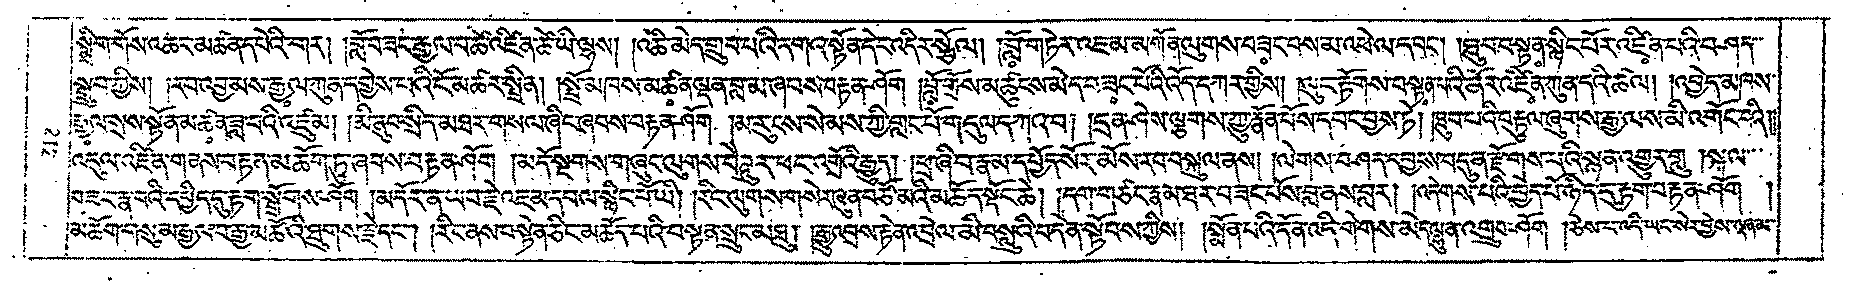སྨྲིག་གོས་འཆང་མཚན་དཔེའི་གར། །བློ་བཟང་རྒྱལ་བ་ཚེ་འཛིན་ཚེ་ཡི་ལྷས། །འཆི་མེད་གྲུབ་པའི་དགའ་སྟོན་དེང་འདིར་སྩོལ། །བློ྾་གཏེར་འཇམ་མགོན་ལུགས་བཟང྾་བསམ་འཕེལ་དབང་། །ཐུབ་བསྟན྾་སྙིང་པོར་འཛིན྾་པའི་བཤད་
སྒྲུབ་ཀྱིས། །རབ་འབྱམས་རྒྱལ྾་ཀུན་དགྱེས་པའི་ངོ་མཚར་སྤྲིན། །སྤྲོ་མཁས་མཚན྾་ལྡན་བླ་མ་ཞབས་བརྟན་ཤོག །བློ྾་གྲོས་མཚུངས་མེད་བཟང྾་པོའི་འོད་དཀར་གྱིས། །ལུང་རྟོགས་བསྟན྾་པའི་ནོར་འཛིན྾་ཀུན་དའི་ཚལ། །འབྱེད་མཁས་
རྒྱལ྾་སྲས་སྟོན་མཚན྾་ཟླ་བའི་འཛུམ། །མི་ནུབ་སྲིད་མཐར་གསལ་ཞིང་ཞབས་བརྟན་ཤོག །མ་རུངས་སེམས་ཀྱི་གླང་པོ་གདུལ་དཀའ་བ། །དྲན་ཤེས་ལྕགས་ཀྱུ་རྣོན་པོས་དབང་བྱས་ཏེ། །ཐུབ་པའི་བརྟུལ་ཞུགས་རྒྱ་ལས་མི་འགོང་བའི། །
འདུལ་འཛིན་གནས་བརྟན་མཆོག་ཏུ་ཞབས་བརྟན་ཤོག །མདོ་སྔགས་གཞུང་ལུགས་བཻཌཱུར་ཕང་འགྲོའི་རྒྱུད། །ཕྲ་ཞིབ་རྣམ་དཔྱོད་སོར་མོས་རབ་བསྐུལ་ནས། །ལེགས་བཤད་དབྱངས་བདུན་རྫོགས་པའི་སྙན་འགྱུར་གླུ་།སྐལ་
བཟང་རྣ་བའི་དཔྱིད་དུ་རྟག་སྒྲོགས་ཤོག །མདོར་ན་ཡབ་རྗེ་འཇམ་དཔལ་སྙིང་པོ་ཡི། །རིང་ལུགས་གསེར་ཞུན་བཙོ་མའི་མཆོད་སྡོང་ཆེ། །དག་གཙང་རྣམ་ཐར་བཟང་པོས་བླ་ནས་བླར། །འདེགས་པའི་བྱེད་པོ་ཉིད་དུ་རྟག་བརྟན་ཤོག །
མཆོག་གསུམ་རྒྱལ་བ་རྒྱ་མཚོའི་ཐུགས་རྗེ་དང་། །རིང་ནས་བསྟེན་ཅིང་མཆོད་པའི་བསྟན་སྲུང་མཐུ། །རྒྱུ་འབྲས་རྟེན་འབྲེལ་མི་བསླུའི་བདེན་སྟོབས་ཀྱིས། །སྨོན་པའི་དོན་འདི་གེགས་མེད་ལྷུན་འགྲུབ་ཤོག །ཅེས་པ་འདི་ཡང་སེར་བྱེས་ལྡན་མ་